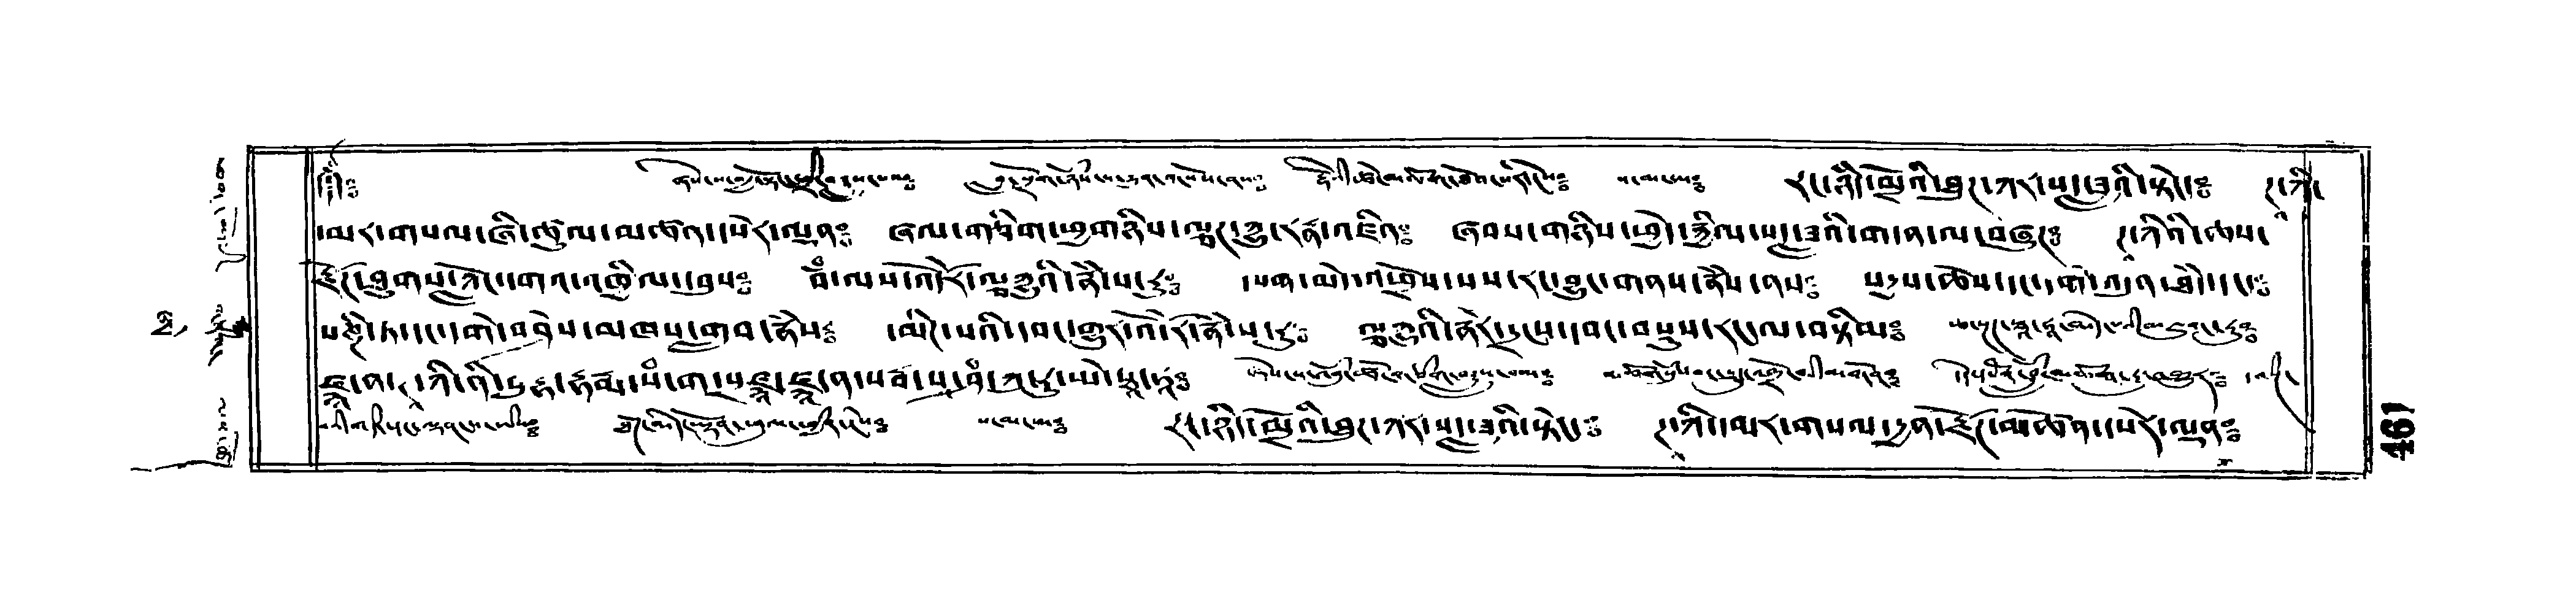ཞེས་པ་བརྒྱ་སྟོང་ཁྲི་བཟླས་པས༔ བླ་སྲོག་ཉམས་པ་ཀུན་གསོས་ནས༔ རྡོ་རྗེའི་ཚེ་མཆོག་ཐོབ་པར་ངེས༔ ས་མ་ཡ༔ རང་ཉིད་མཁའ་འགྲོའི་ཐུགས་ཀར་པད་ཟླའི་སྟེང༔ ཌཱ་ཀི་
དམར་གསལ་ཞི་ཚུལ་མཚན་དཔེར་ལྡན༔ ཞལ་གཅིག་ཕྱག་གཉིས་ལྕགས་ཀྱུ་རཏྣ་འཛིན༔ ཞབས་གཉིས་ཕྱེད་སྐྱིལ་པད་ཟླའི་གདན་ལ་བཞུགས༔ ཌཱ་ཀིའི་ཆས་
རྫོགས་ཐུགས་ཀློང་དགའ་འཁྱིལ་དབུས༔ བྃ་ལས་འོད་ཟེར་ལྕགས་ཀྱུའི་རྣམ་པ་རུ༔ དཔག་མེད་འཕྲོས་པས་རང་བྱུང་གནས་རྣམས་ནས༔ སངས་རྒྱས་ཆོས་དང་དགེ་འདུན་ཐམས་ཅད་དང༔ 
པཎྜི་ཏ་དང་དགེ་བཤེས་མཁས་གྲུབ་རྣམས༔ དམིགས་པའི་དབང་གྱུར་འོད་ཟེར་རྣམ་པ་རུ༔ ལྕགས་ཀྱུའི་སྣེར་དྲངས་དབང་བསྡུས་རང་ལ་བསྟིམ༔ རྩ་སྔགས་སྭཱ་ཧཱ་མེད་པའི་མཇུག་ཏུ༔ 
ཛྙཱ་ན་ཌཱ་ཀི་ནི་བུདྡྷ་དྷརྨ་སཾ་གྷ་པྲཛྙཱ་ཛྙཱ་ན་སརྦ་པཱ་ཤཾ་ཀུ་རུ་ཡེ་སྭཱ་ཧཱ༔ཞེས་པ་འབུམ་ཚོ་གཅིག་བཟླས་པས༔ མཆོག་གསུམ་དབང་སྡུད་འགྲོ་བའི་མགོན༔ དེད་དཔོན་བླ་མ་མཆོག་ཏུ་འགྱུར༔ དམིགས་
བའི་གདིང་དང་ལྡན་པ་ཡིས༔ ཐོགས་མེད་ཡོན་ཏན་ཕུལ་ཕྱིན་ངེས༔ ས་མ་ཡ༔ རང་ཉིད་མཁའ་འགྲོའི་ཐུགས་ཀར་པད་ཟླའི་སྟེང༔ ཌཱ་ཀི་དམར་གསལ་རྒྱན་རྫོགས་མཚན་དཔེར་ལྡན༔